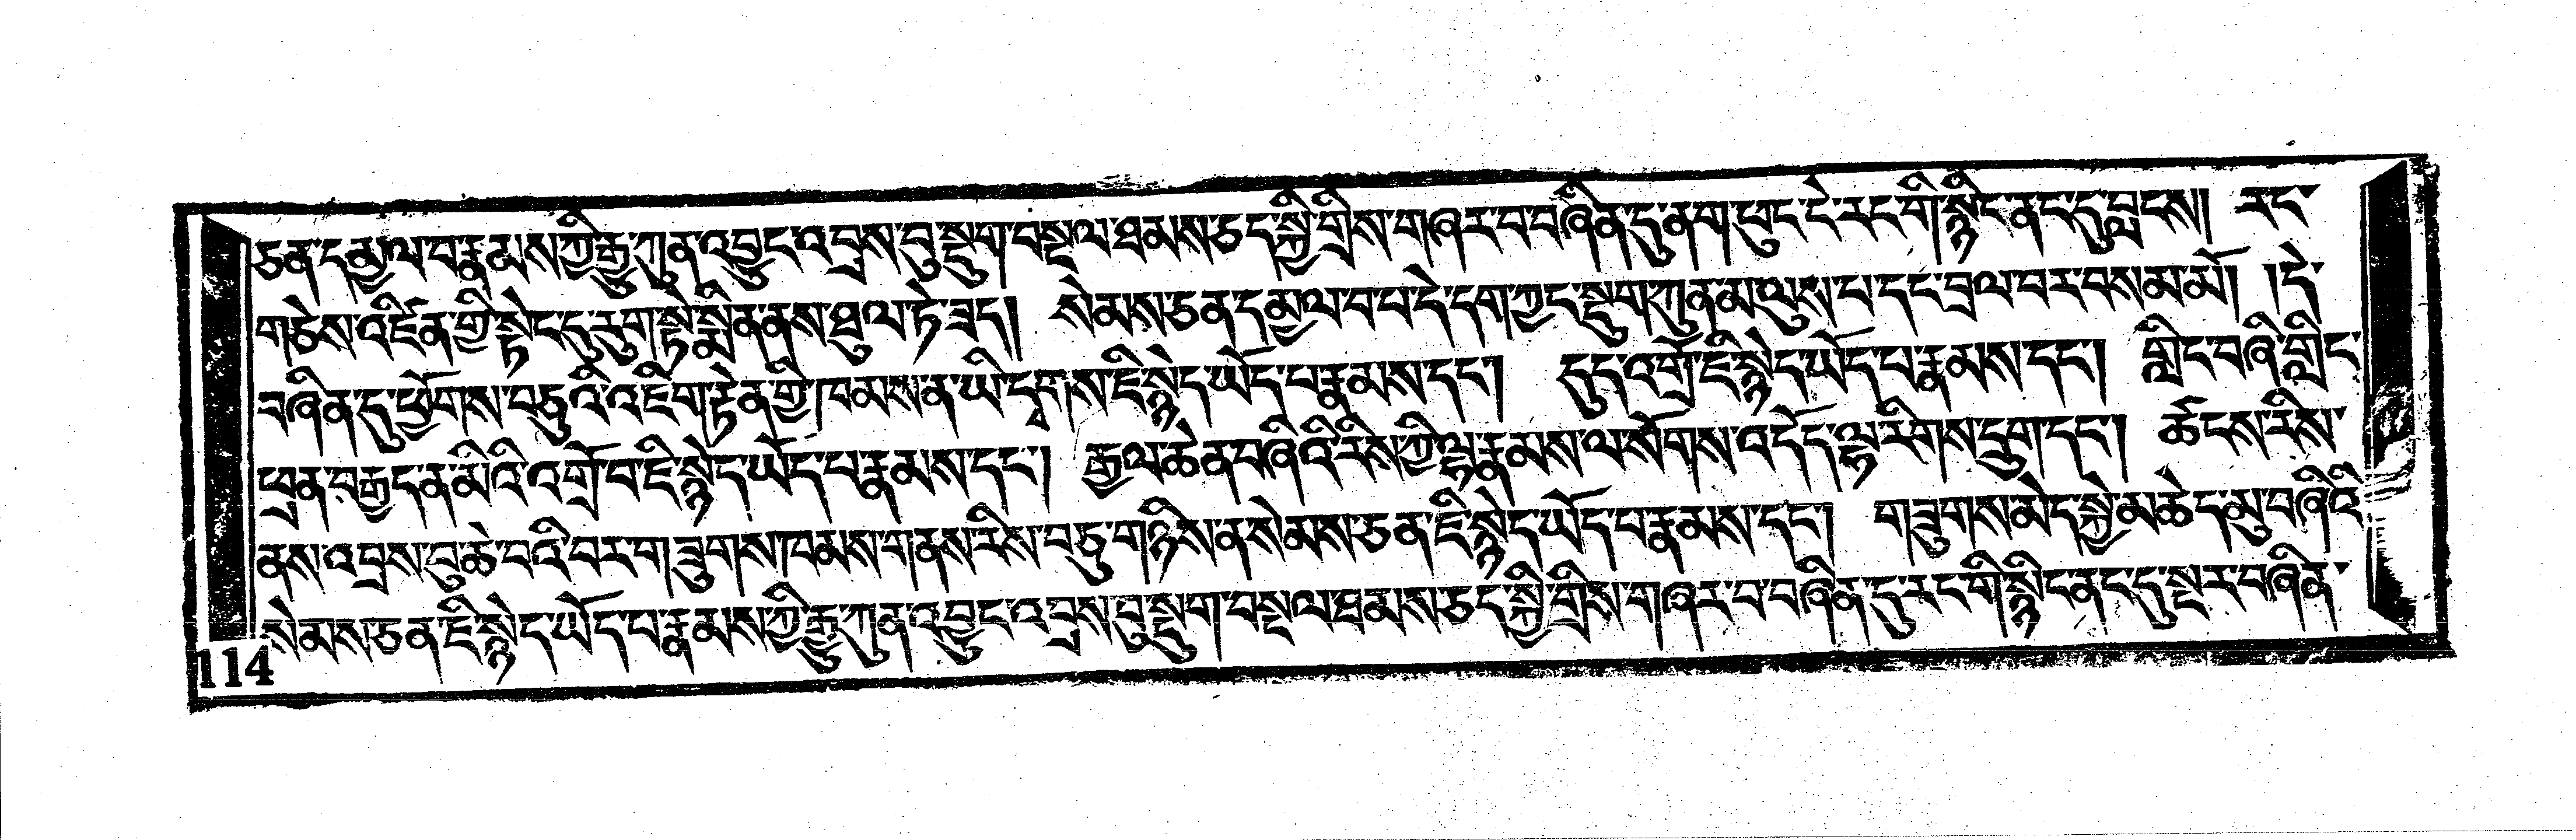ཅན་དམྱལ་བ་རྣམས་ཀྱི་རྒྱུ་ཀུན་འབྱུང་འབྲས་བུ་སྡུག་བསྔལ་ཐམས་ཅད་སྐྱི་གྲིས་གཞར་བ་བཞིན་དུ་ནག་ཕུང་ངེ་རང་གི་སྙིང་ནང་དུ་བླངས། རང་
གཅེས་འཛིན་གྱི་སྟེང་དུ་རུག་སྟེ་སྨིན་ནས་ཐུལ་ཏེ་ཟད། སེམས་ཅན་དམྱལ་བ་པ་དེ་དག་ཀྱང་སྡུག་ཀུན་མ་ལུས་པ་དང་བྲལ་བར་བསམ་མོ། །དེ་
བཞིན་དུ་ཕྱོགས་བཅུའི་འཇིག་རྟེན་གྱི་ཁམས་ན་ཡི་དྭགས་ཇི་སྙེད་ཡོད་པ་རྣམས་དང་། དུད་འགྲོ་ཇི་སྙེད་ཡོད་པ་རྣམས་དང་། གླིང་བཞི་གླིང་
ཕྲན་བརྒྱད་ན་མིའི་འགྲོ་བ་ཇི་སྙེད་ཡོད་པ་རྣམས་དང་། རྒྱལ་ཆེན་བཞིའི་རིས་ཀྱི་ལྷ་རྣམས་ལ་སོགས་འདོད་ལྷ་རིགས་དྲུག་དང་། ཚངས་རིས་
ནས་འབྲས་བུ་ཆེ་བའི་བར་གཟུགས་ཁམས་གནས་རིས་བཅུ་གཉིས་ན་སེམས་ཅན་ཇི་སྙེད་ཡོད་པ་རྣམས་དང་། གཟུགས་མེད་སྐྱེ་མཆེད་མུ་བཞིའི་
སེམས་ཅན་ཇི་སྙེད་ཡོད་པ་རྣམས་ཀྱི་རྒྱུ་ཀུན་འབྱུང་འབྲས་བུ་སྡུག་བསྔལ་ཐམས་ཅད་སྐྱི་གྲིས་གཞར་བ་བཞིན་དུ་རང་གི་སྙིང་ནང་དུ་སྔར་བཞིན་